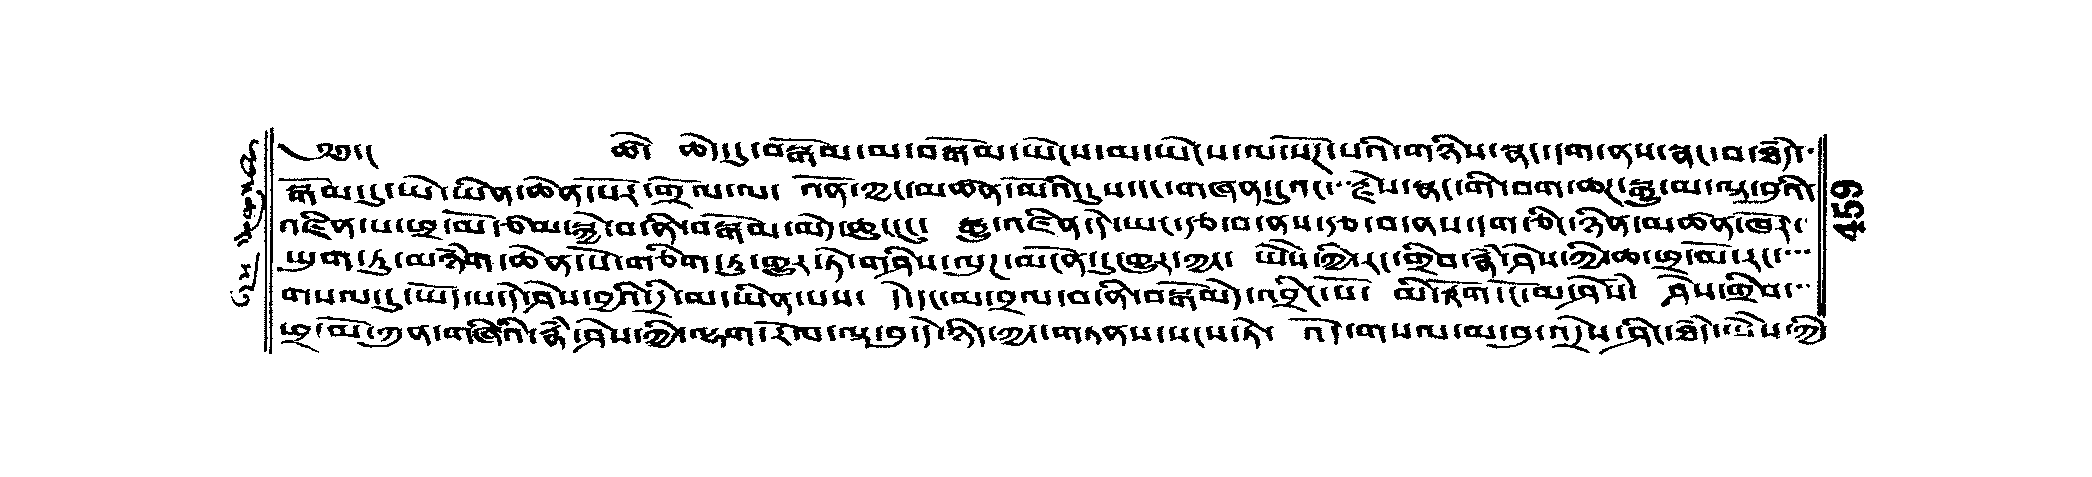ཕྱིན་ཚེ། ཆེད་དུ་བསྒོམ་མ་བསྒོམ་ཡེངས་མ་ཡེངས་ལ་སོགས་པའི་གཉིས་སྣང་དག་ནས་སྣང་བ་ཐམས་ཅད་
སྒོམ་དུ་ཡེ་ཡིན་ཆེན་པོར་གྲོལ་ལ། འོན་ཀྱང་མཚན་མོའི་དུས་དང་གཞན་དུའང་རྗེས་སྣང་གི་བག་ཆགས་སྒྱུ་མ་ལྟ་བུའི་
འཛིན་པ་ཕྲ་མོ་ཙམ་སྐྱེ་བ་ནི་བསྒོམ་མེད་ཆུང་ངུ་། སྒྱུ་འཛིན་དེ་ཡང་རྩ་བ་ནས་དག་ཅིང་ཉིན་མཚན་ཁོར་
ཡུག་ཏུ་མཉམ་བཞག་ཆེན་པོ་གཅིག་ཏུ་གྱུར་ཏེ་གཤིས་ལུགས་མངོན་དུ་གྱུར་ཡང་། ཡེ་ཤེས་ཀྱི་རང་གྲིབ་རྣམ་ཤེས་ཀྱི་ཆ་ཕྲ་མོ་རང་
གསལ་དུ་ཡོད་པ་དེ་ཤེས་བྱའི་དྲི་མ་ཡིན་པས། དེ་དང་མ་བྲལ་བ་ནི་བསྒོམ་མེད་འབྲིང་པོ། མི་རྟོག་ངོ་མ་ཤེས་སམ། ཤེས་སྒྲིབ་
ཕྲ་མོ་ཀུན་གཞིའི་རྣམ་ཤེས་ཀྱི་ལྷག་རོལ་ལྟ་བུ་དེ་ཉིད་ཀྱང་གཏན་ནས་སངས་ཏེ། འོད་གསལ་མ་བུ་འདྲེས་ཤིང་ཐམས་ཅད་ཡེ་ཤེས་ཀྱི་